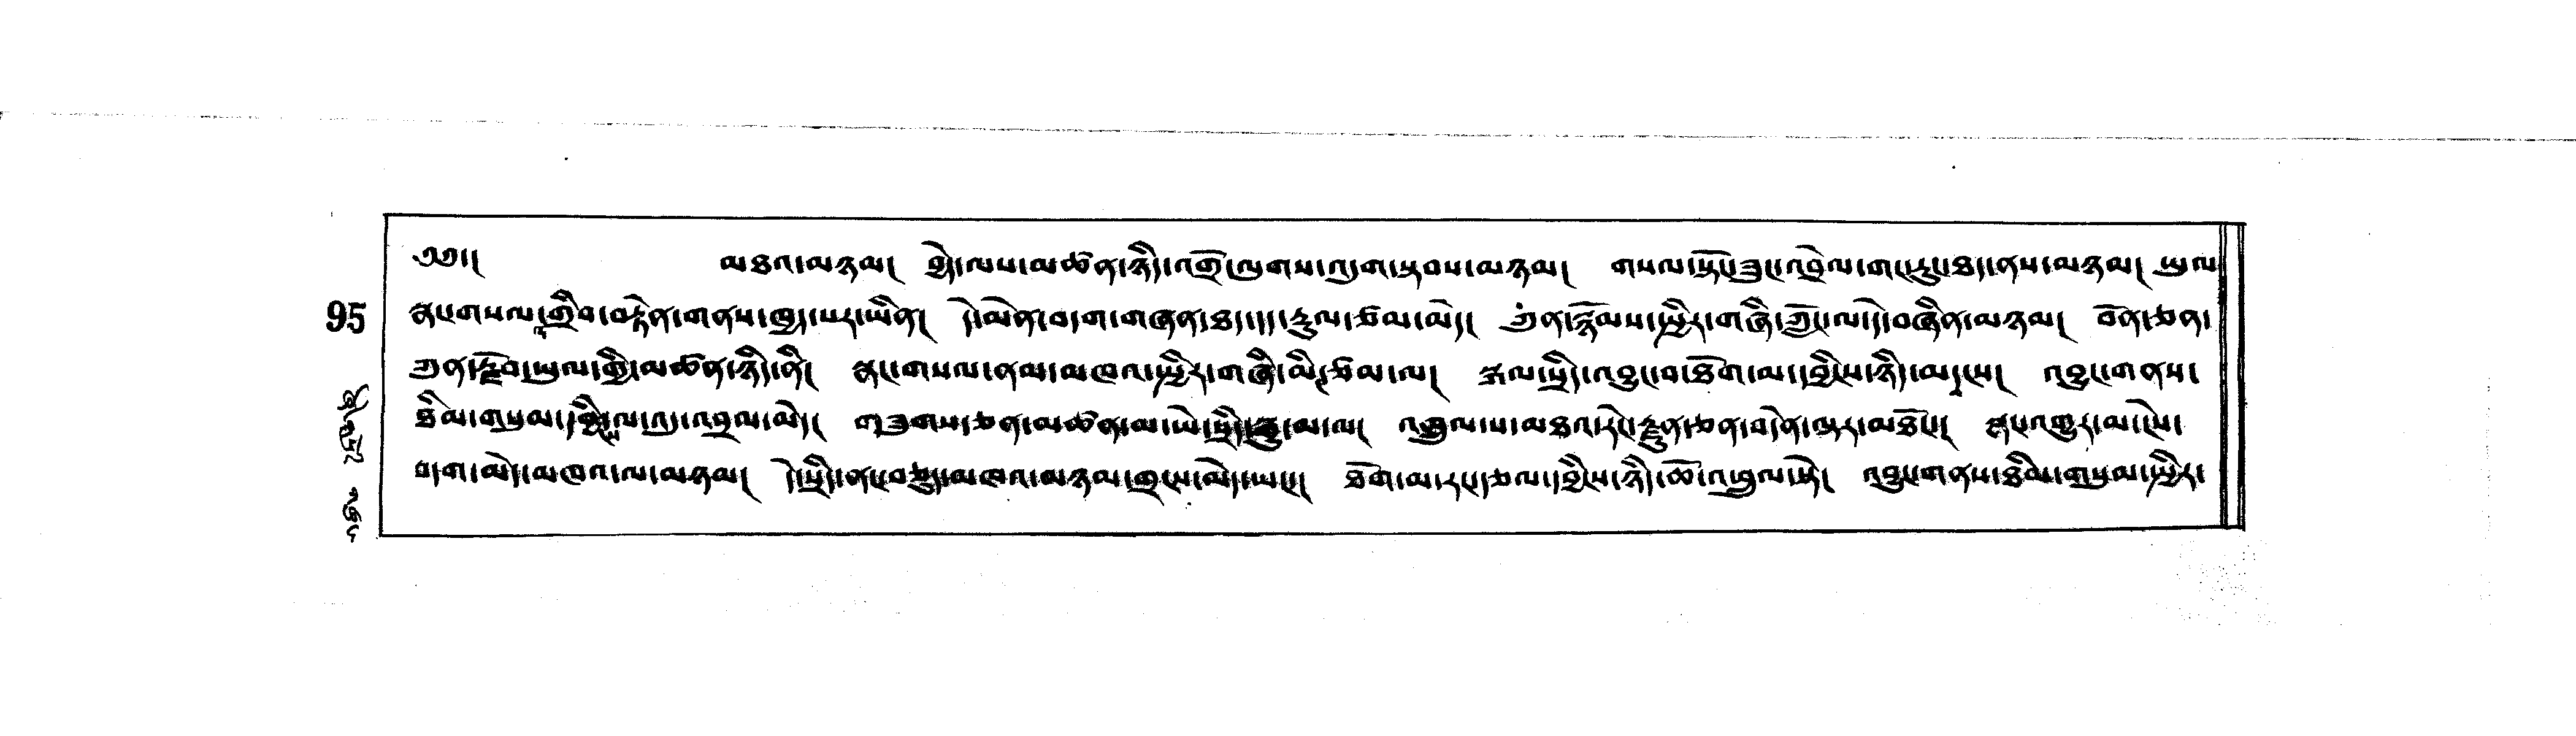མཐའ་མཉམ། བྱེད་ལས་མཚན་ཉིད་འགྲོ་ལུགས་འདུག་སྟབས་མཉམ། གསལ་སྟོང་ཟུང་འབྲེལ་གང་རུང་ཐད་ནས་མཉམ། ཡུལ་
སྣང་གསལ་འགྲིབ་རྟེན་གནས་ཁྱད་པར་ཡིན། དེ་མིན་བདག་གཞན་ཐ་དད་རྡུལ་ཙམ་མེད། ཀུན་སྙོམས་སྤྱིར་གཞི་ཀློང་ལ་དེ་བཞིན་མཉམ། བོན་ཅན་
ཀུན་རྫོབ་ཡུལ་གྱི་མཚན་ཉིད་ནི། སྣང་གསལ་ནམ་མཁའ་སྤྱིར་གཞི་མིང་ཙམ་ལ། བསྐལ་སྲིད་འབྱུང་བ་ཐོག་མ་དབྱིངས་ཉིད་མདངས། འབྱུང་གནས་
ཐིམ་གསུམ་དབྱིངས་ལ་འདུ་འབྲལ་མེད། གཟུགས་ཅན་མཚན་མ་ཡེ་སྲིད་སྒྱུ་མ་ལ། འཁྲུལ་པ་མཐའ་རེང་རྫུན་ཅན་བདེན་པར་མཐོང་། སྣང་འགྱུར་མ་ངེས་
བདག་མེད་མཁའ་ལ་མཉམ། དེ་སྲིད་ནང་བཅུད་མཁའ་མཉམ་གྲངས་མེད་ཡང་། ཐོག་མ་རང་རྩལ་དབྱིངས་ཉིད་ཆོ་འཕྲུལ་ཏེ། འབྱུང་གནས་ཐིམ་གསུམ་སྤྱིར་